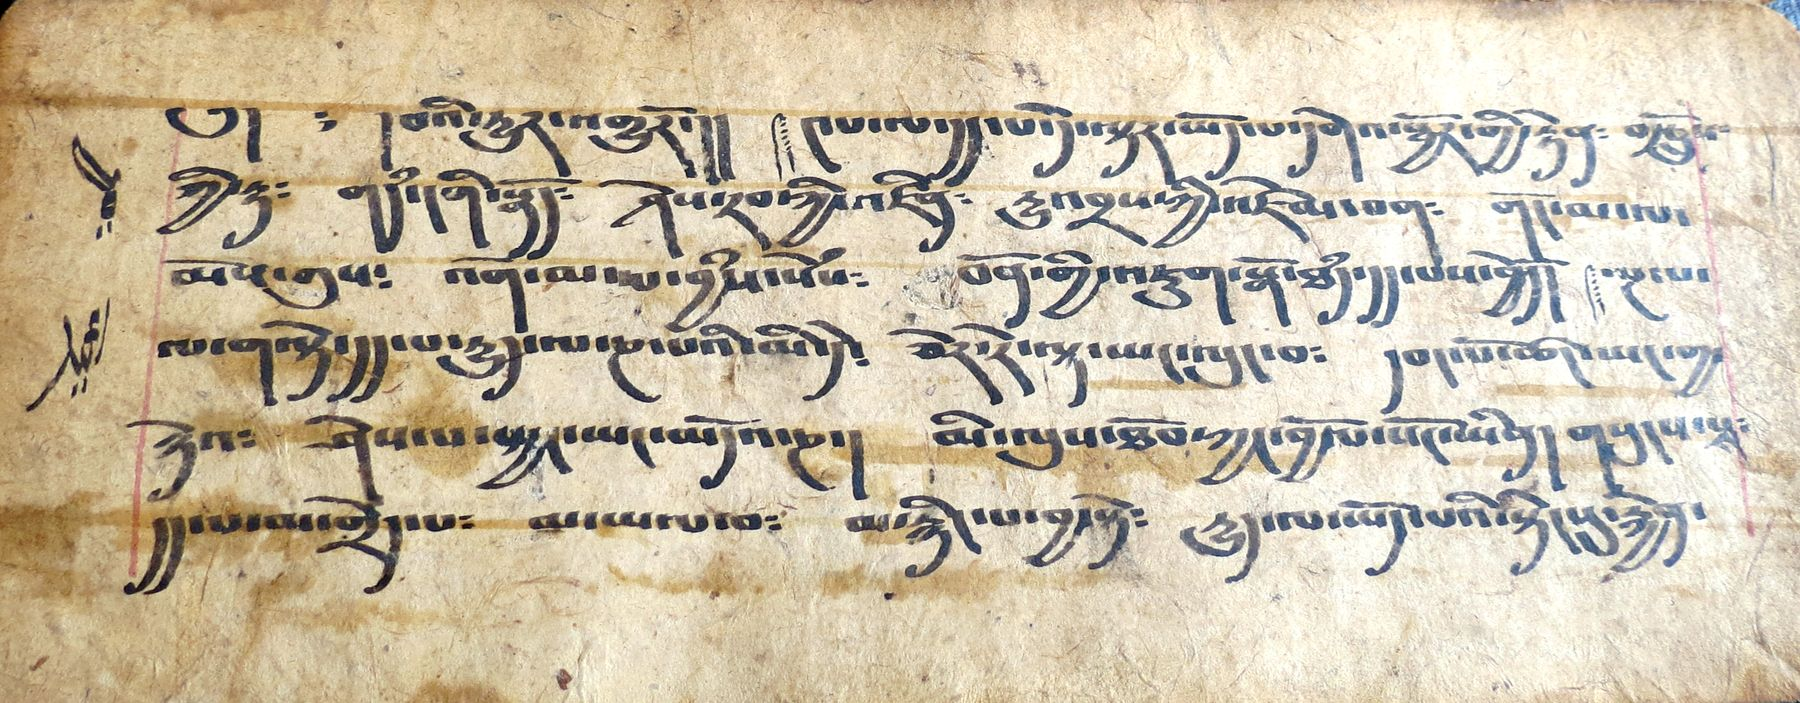བའི་རྒྱུར་འགྱུར་རོ། ། བཞི་པ་༼ཡོད་པའི་ཡོན་ཏན༽ལ་དེ་ལྟར་དད་པ་རྒྱུད་ལ་ཡོད་པས་དགེ་སྦྱོར་གྱི་རྟེན། བརྩོན་འགྲུས་
ཀྱི་རྟ། གདམས་པའི་སྣོད། ཤེས་རབ་ཀྱི་འཛིན། རྒྱུ་འབྲས་ཀྱི་འཛེམ་བག གོང་མ་ལ་
མོས་གུས། འོག་མ་ལ་བྱམས་སེམས། བོན་གྱི་འཇུག་སྒོ་ཐམས་ཅད་དད་པས་བྱེད་དོ། ། ལྔ་པ་
ལ་གལ་ཏེ་དད་པ་རྒྱུད་ལ་མེད་པའི་མི་དེ། ཅེར་རེ་ལྟ་ཡང་ལོང་བ། དབང་པོ་ཚང་ཡང་གྱ་
ཉེས། ཤེས་པ་སྤྱང་ཡང་མདོ་མེད། མི་ལུས་ཐོབ་ཀྱང་བྱོལ་སོང་ཡིན་གསུངས་པས། 
དད་པ་མ་དྲེད་པ། མ་ཡལ་བ། མ་རྙིང་པར་བྱས་ཏེ། རྒྱུད་ལ་ཡོད་པའི་སྟེང་དུ་རྐྱེན་